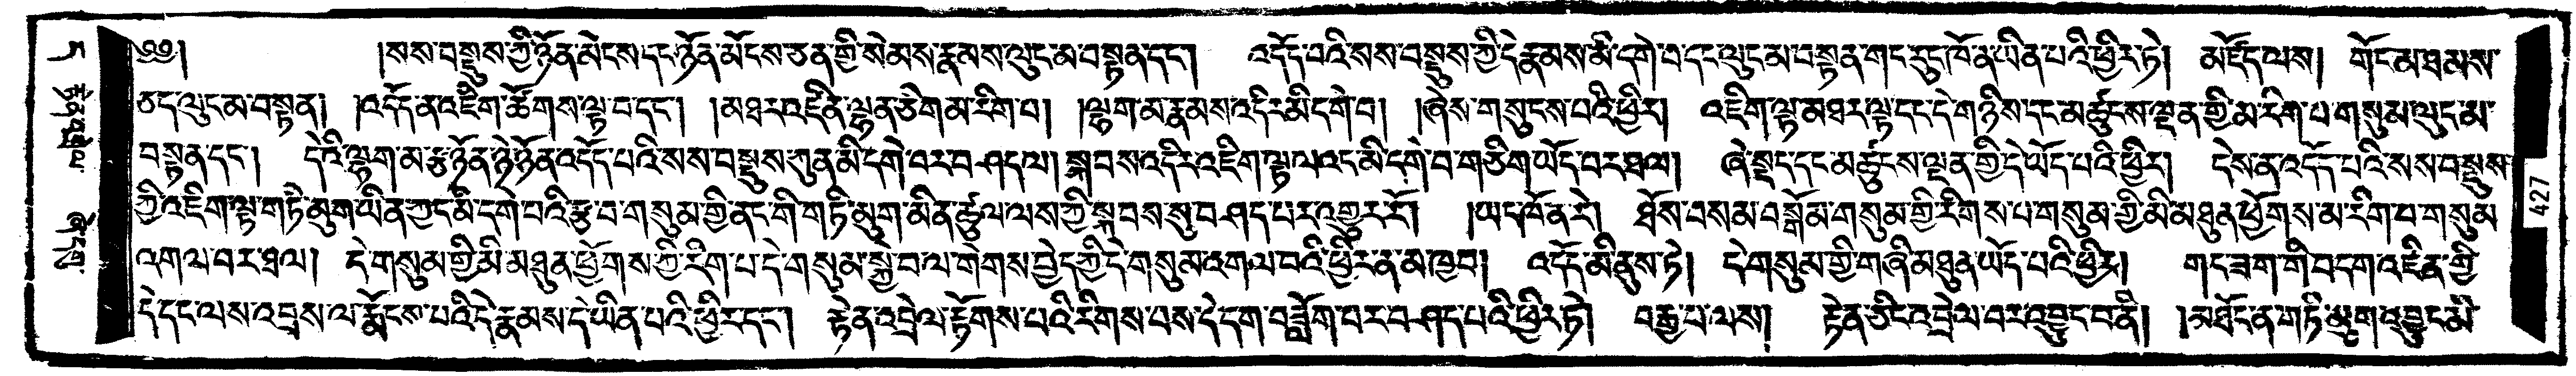༄༅། །སས་བསྡུས་ཀྱི་ཉོན་མོངས་དང་ཉོན་མོངས་ཅན་གྱི་སེམས་རྣམས་ལུང་མ་བསྟན་དང་། འདོད་པའི་སས་བསྡུས་ཀྱི་དེ་རྣམས་མི་དགེ་བ་དང་ལུང་མ་བསྟན་གང་རུང་ཁོ་ན་ཡིན་པའི་ཕྱིར་ཏེ། མཛོད་ལས། གོང་མ་ཐམས་
ཅད་ལུང་མ་བསྟན། །འདོད་ན་འཇིག་ཚོགས་ལྟ་བ་དང་། །མཐར་འཛིན་ལྷན་ཅིག་མ་རིག་པ། །ལྷག་མ་རྣམས་འདིར་མི་དགེ་བ། །ཞེས་གསུངས་པའི་ཕྱིར། འཇིག་ལྟ་མཐར་ལྟ་དང་དེ་གཉིས་དང་མཚུངས་ལྡན་གྱི་མ་རིག་པ་གསུམ་ལུང་མ་
བསྟན་དང་། དེའི་ལྷག་མ་རྩ་ཉོན་ཉེ་ཉོན་འདོད་པའི་སས་བསྡུས་ཀུན་མི་དགེ་བར་བཤད་ལ། སྐབས་འདིར་འཇིག་ལྟ་ལའང་མི་དགེ་བ་གཅིག་ཡོད་བར་ཐལ། ཞེ་སྡང་དང་མཚུངས་ལྡན་གྱི་དེ་ཡོད་པའི་ཕྱིར། དེས་ན་འདོད་པའི་སས་བསྡུས་
ཀྱི་འཇིག་ལྟ་གཏི་མུག་ཡིན་ཀྱང་མི་དགེ་བའི་རྩ་བ་གསུམ་གྱི་ནང་གི་གཏི་མུག་མིན་ཚུལ་ལས་ཀྱི་སྐབས་སུ་བཤད་པར་འགྱུར་རོ། །ཡང་ཁོ་ན་རེ། ཐོས་བསམ་བསྒོམ་གསུམ་གྱི་རིགས་པ་གསུམ་གྱི་མི་མཐུན་ཕྱོགས་མ་རིག་བ་གསུམ་
འགལ་བར་ཐལ། དེ་གསུམ་གྱི་མི་མཐུན་ཕྱོགས་ཀྱི་རིག་པ་དེ་གསུམ་སྐྱེ་བ་ལ་གེགས་བྱེད་ཀྱི་དེ་གསུམ་འགལ་བའི་ཕྱིར་ན་མ་ཁྱབ། འདོད་མི་ནུས་ཏེ། དེ་གསུམ་གྱི་གཞི་མཐུན་ཡོད་པའི་ཕྱིར། གང་ཟག་གི་བདག་འཛིན་གྱི་
དེ་དང་ལས་འབྲས་ལ་རྨོངས་པའི་དེ་རྣམས་དེ་ཡིན་པའི་ཕྱིར་དང་། རྟེན་འབྲེལ་རྟོགས་པའི་རིགས་པས་དེ་དག་བཟློག་བར་བཤད་པའི་ཕྱིར་ཏེ། བརྒྱ་པ་ལས། རྟེན་ཅིང་འབྲེལ་བར་འབྱུང་བ་ནི། །མཐོང་ན་གཏི་མུག་འབྱུང་མི་